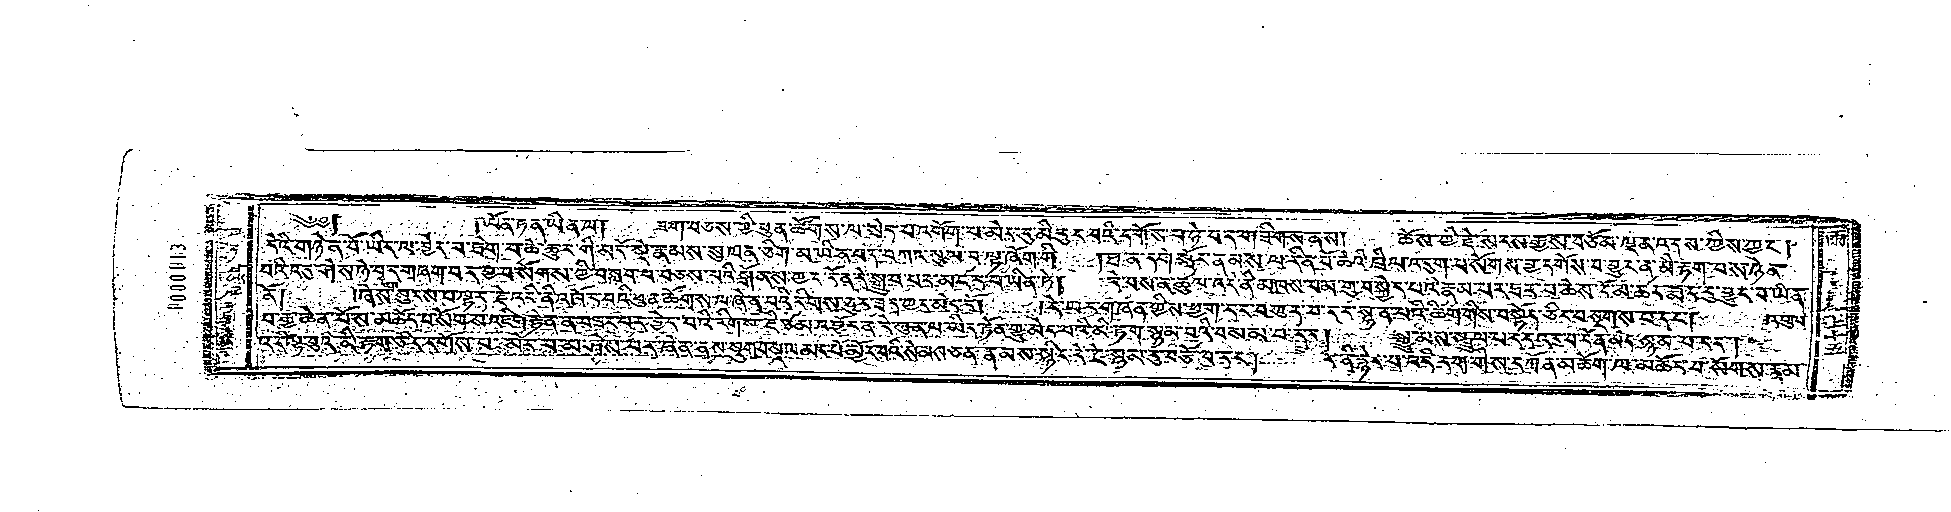༄༅། །ཡོན་ཏན་ཡིན་ལ། བྲག་བཅས་ཀྱི་ཕུན་ཚོགས་ལ་སྲིད་པ་འགོག་པ་མེད་དུ་མི་རུང་བའི་དགོས་པ་ཉེ་བར་གཟིགས་ནས། ཆོས་ཀྱི་རྗེ་སངས་རྒྱས་བཅོམ་ལྡན་འདས་ཀྱིས་ཀྱང་།
དེའི་གཉེན་པོ་ཡིད་ལ་བྱེད་བ་ཐེག་པ་ཆེ་ཆུང་གི་མདོ་སྡེ་རྣམས་སུ་ལན་ཅིག་མ་ཡིན་པར་བཀའ་སུལ་བལྟ་ཞོག་གི །ཐ་ན་དགེ་སློང་རྣམས་ལ་རིན་པོ་ཆེའི་ཁྲི་ལ་འདུག་པ་སོགས་བྱ་དགོས་པ་བྱུང་ན་མི་རྟག་པས་ཉེན་
བའི་འདུ་ཤེས་ཉེ་བར་གཞག་པར་བྱ་བ་སོགས་ཀྱི་བསླབ་པ་བཅས་པའི་སྒོ་ནས་ཀྱང་དོན་དེ་སྒྲུབ་པར་མཛད་པ་ཡིན་ཏེ། དེ་བས་ན་ཚུལ་འདི་ནི་མཁས་པ་མགུ་བསྐྱེད་པའི་རྣམ་པར་ཐར་པ་ཆོས་ངོ་མཚར་རྨད་དུ་བྱུང་བ་ཡིན་
ནོ། །ཞེས་གསུངས་པ་ལྟར་རྗེ་འདི་ནི་འཁོར་བའི་ཕུན་ཚོགས་ལ་ཞེན་པའི་རིགས་ཅུང་ཟད་ཀྱང་མེད་དོ། །དེ་ཡང་གཞན་གྱིས་ཕྱག་དང་བཀུར་བ་དང་སྙན་པའི་ཚིག་གིས་བསྟོད་ཅིང་བསྔགས་པ་དང་། འབུལ་
བ་རྒྱ་ཆེན་པོས་མཆོད་པ་སོགས་འཇིག་རྟེན་ན་བཟང་པར་བྱེད་པའི་རིགས་ཇི་ཙམ་འབྱོར་ན་དེ་ཀུན་ལ་ཡིད་རྟོན་ཀྱུ་མེད་པའི་མི་རྟག་སྙམ་པའི་བསམ་པ་དང་། སྒྱུ་མས་སྤྲུལ་པ་དང་འདྲ་བ་དོན་མེད་སྙམ་པ་དང་།
འདི་ལྟ་བུའི་མི་རྟག་ཅིང་དགོས་པ་མེད་པ་མ་ཤེས་པར་ཞེན་ནས་སྡུག་བསྔལ་མང་པོ་མྱོང་བའི་སེམས་ཅན་རྣམས་སྙིང་རེ་རྗེ་སྙམ་དུ་བརྩོ་པ་དང་། ང་ནི་རྙེད་པ་འདི་དག་གིས་དཀོན་མཆོག་ལ་མཆོད་བ་སོགས་རྣམ་